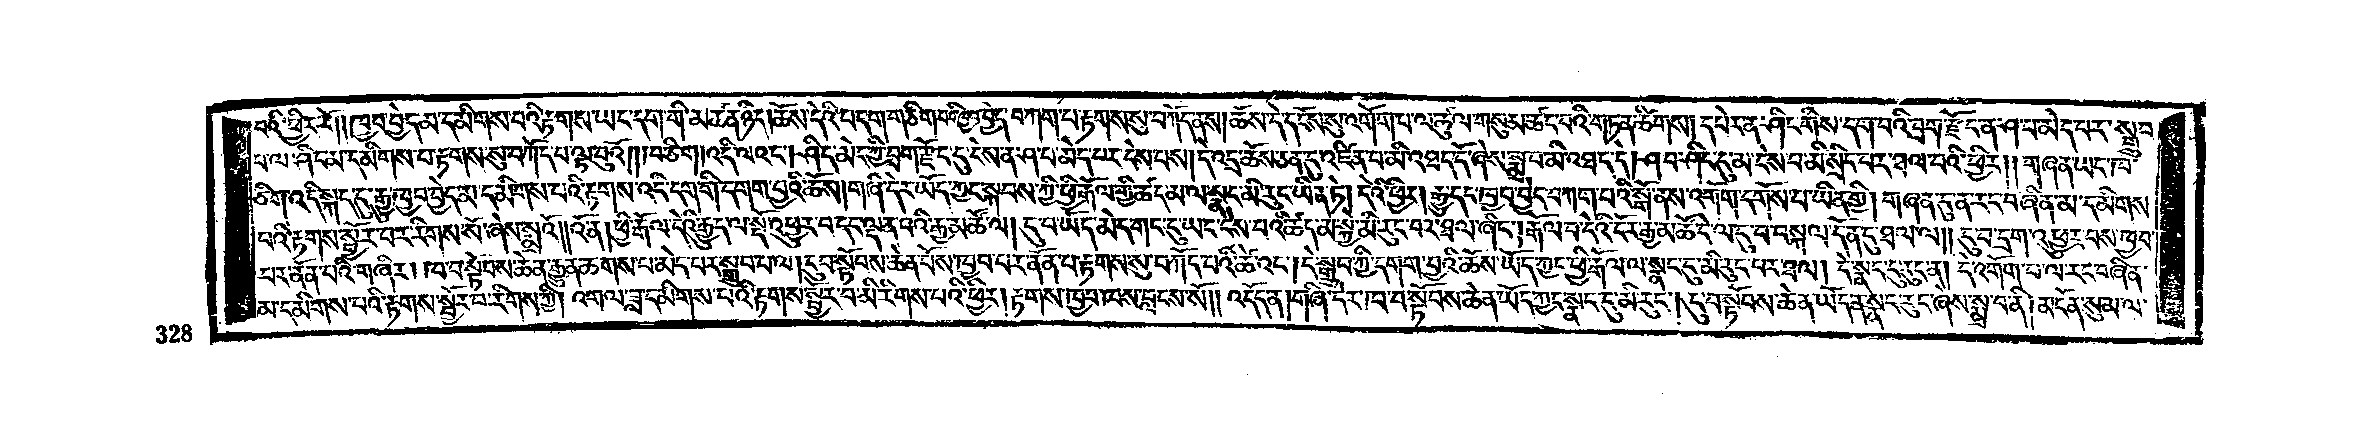བའི་ཕྱིར་རོ། །ཁྱབ་བྱེད་མ་དམིགས་པའི་རྟགས་ཡང་དག་གི་མཚན་ཉིད། ཆོས་དེའི་བདག་གཅིག་པའི་ཁྱབ་བྱེད་བཀག་པ་རྟགས་སུ་བཀོད་ནས། ཆོས་དེ་དངོས་སུ་འགོག་པ་ལ་ཚུལ་གསུམ་ཚང་བའི་གཏན་ཚིགས། དཔེར་ན་ཤིང་གིས་དག་པའི་བྲག་རྫོང་ན་ཤ་པ་མེད་པར་སྒྲུབ་
པ་ལ་ཤིང་མ་དམིགས་པ་རྟགས་སུ་བཀོད་པ་ལྟ་བུའོ། །ཁ་ཅིག ། འདི་ལའང་། ཤིང་མེད་ཀྱི་བྲག་རྫོང་དུ་ངེས་ན་ཤ་པ་མེད་པར་ངེས་པས། དེ་འདྲ་ཆོས་ཅན་དུ་འཛིན་པ་མི་འཐད་དོ་ཞེས་སྨྲ་བ་མི་འཐད་དེ། ཤ་པ་ཤིང་དུ་མ་ངེས་པ་མི་སྲིད་པར་ཐལ་བའི་ཕྱིར། །གཞན་ཡང་ཁ་
ཅིག་འདི་སྐད་དུ་རྒྱུ་ཁྱབ་བྱེད་མ་དམིགས་པའི་རྟགས་འདི་དག་གི་དགག་བྱའི་ཆོས། གཞི་དེར་ཡོད་ཀྱང་སྐབས་ཀྱི་ཕྱི་རྒོལ་གྱི་ཚད་མ་ལ་སྣང་མི་རུང་ཡིན་ཏེ། དེའི་ཕྱིར། རྒྱུ་དང་ཁྱབ་བྱེད་བཀག་པའི་སྒོ་ནས་འགོག་དགོས་པ་ཡིན་གྱི། གཞན་དུ་ན་རང་བཞིན་མ་དམིགས་
པའི་རྟགས་སྦྱོར་བར་རིགས་སོ་ཞེས་སྨྲའོ། །འོ་ན། ཕྱི་རྒོལ་དེའི་རྒྱུད་ལ་སྔོ་འཕྱུར་བ་དང་ལྡན་པའི་རྒྱ་མཚོ་ལ། དུ་བ་ཡོད་མེད་གང་དུ་ཡང་ངེས་པའི་ཚད་མ་སྐྱེ་མི་རུང་བར་ཐལ་ཞིང་། རྒོལ་བ་དེའི་ངོར་རྒྱ་མཚོ་དེ་ལ་དུ་བ་བསྐལ་དོན་དུ་ཐལ་ལོ། །དུ་བ་དྲག་འཕྱུར་བས་ཁྱབ་
པར་ནོན་པའི་གཞིར། ཁ་བ་སྟོབས་ཆེན་རྒྱུན་ཆགས་པ་མེད་པར་སྒྲུབ་པ་ལ། དུ་བ་སྟོབས་ཆེན་པོས་ཁྱབ་པར་ནོན་པ་རྟགས་སུ་བཀོད་པའི་ཚེ་འང་། དེ་སྒྲུབ་ཀྱི་དགག་བྱའི་ཆོས་ཡོད་ཀྱང་ཕྱི་རྒོལ་ལ་སྣང་དུ་མི་རུང་བར་ཐལ། དེ་སྣང་དུ་རུང་ན། དེ་འགོག་པ་ལ་རང་བཞིན་
མ་དམིགས་པའི་རྟགས་སྦྱོར་བ་རིགས་ཀྱི། འགལ་ཟླ་དམིགས་པའི་རྟགས་སྦྱོར་བ་མི་རིགས་པའི་ཕྱིར། རྟགས་ཁྱབ་ཁས་བླངས་སོ། །འདོད་ན། གཞི་དེར་ཁ་བ་སྟོབས་ཆེན་ཡོད་ཀྱང་སྣང་དུ་མི་རུང་། དུ་བ་སྟོབས་ཆེན་ཡོད་ན་སྣང་རུང་ཞེས་སྨྲ་བ་ནི། མངོན་སུམ་ལ་